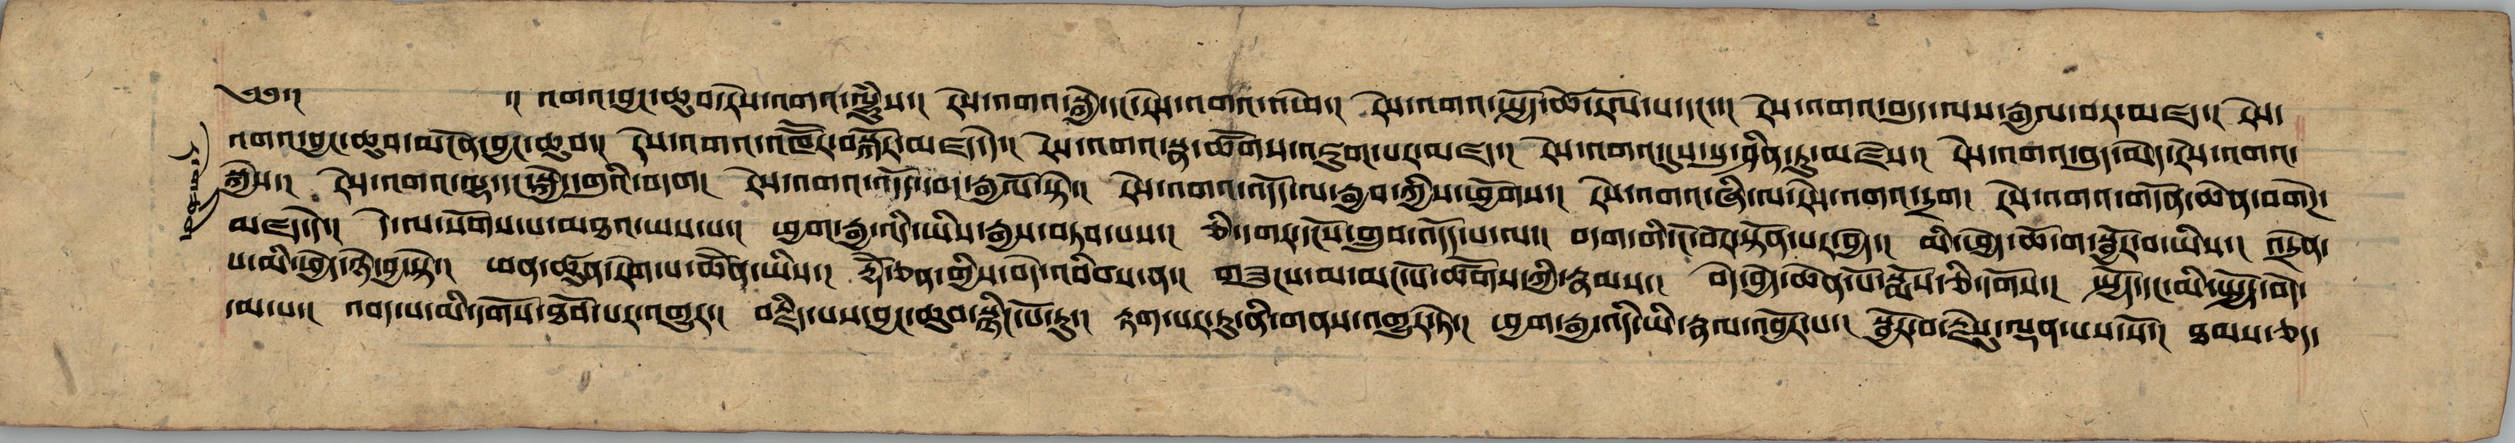༄༅་། ་།འགའ་བྱང་ཆུབ་རེས་འགའ་ལྷུཾས་། རེས་འགའ་སྐྱེ་དང་རེས་འགའ་འཕེ་། རེས་འགའ་སྤྱོད་ཚེ་རོལ་པ་དང་་། རེས་འགའ་བདུད་ལས་རྒྱལ་བར་མཛད་། རེས་
འགའ་བྱང་ཆུབ་མངོན་བྱང་ཆུབ་། རེས་འགའ་འཁཽར་བསྐོར་མཛད་དེ་། རེས་འགའ་སྣ་ཚོགས་འཇུག་པར་མཛད་། རེས་འགའ་དུས་སུ་ཤིན་ཏུ་མཛེས་། རེས་འགའ་བུད་མེད་རེས་འགའ་
སྐྱེས་། རེས་འགའ་ལྷ་དང་སྐྱེ་འགུའི་བདག། རེས་འགའ་འདོད་དབང་རྒྱལོ་སྟེ་། རེས་འགའ་འདོད་ལ་རྒྱབ་ཀྱིས་ཕྱོགས་། རེས་འགའ་ཞི་ལ་རེས་འགའ་དྲག། རེས་འགའ་གདོན་ཆེན་བགེཌ་
མཛད་དེ་། དེ་ལ་སོགས་པ་མཐའ་ཡས་པ་། ཕྱག་རྒྱ་འདི་ཡིས་རྒྱས་བཏབ་པས་། ཅི་དགར་དངོས་གྲུབ་འདོད་པ་ལ་། བདག་གི་ངོ་བོར་སྟོན་པར་བྱེད་། མིང་བྱེད་ཆོ་ག་སྦྱོར་བ་ཡིས་། འདྲེན་
པ་མི་ཕྱེད་ཉེ་བྱ་སྟེ་། ཕན་ཚུན་རེག་པ་ཆེནོ་ཡིས་། རྡོེ་ཅན་གྱིས་བདེ་འབིབས་ན་། གཟུངས་མ་མང་པོ་ཚོགས་ཀྱི་རྣམས་། བདེ་བྱེད་ཆེན་པོ་སྨོས་ཅི་དགོས་། སྤྱོད་དང་མི་སྤྱོད་བདེ་
དམ་པ་། འབད་པ་མི་དགོས་ཐོབ་པར་འགྱུར་། བརྗིད་པས་བྱང་ཆུབ་སྙིང་པོ་རུ་། རྟག་པར་ཏུ་ནི་གནས་འགྱུར་ཏེ་། ཕྱག་རྒྱ་འདི་ཡི་རྣལ་འབྱོར་པ་། སྦྱོར་བ་རྗེསུ་ལྡན་པས་སོ་། ཐམས་ཅད་